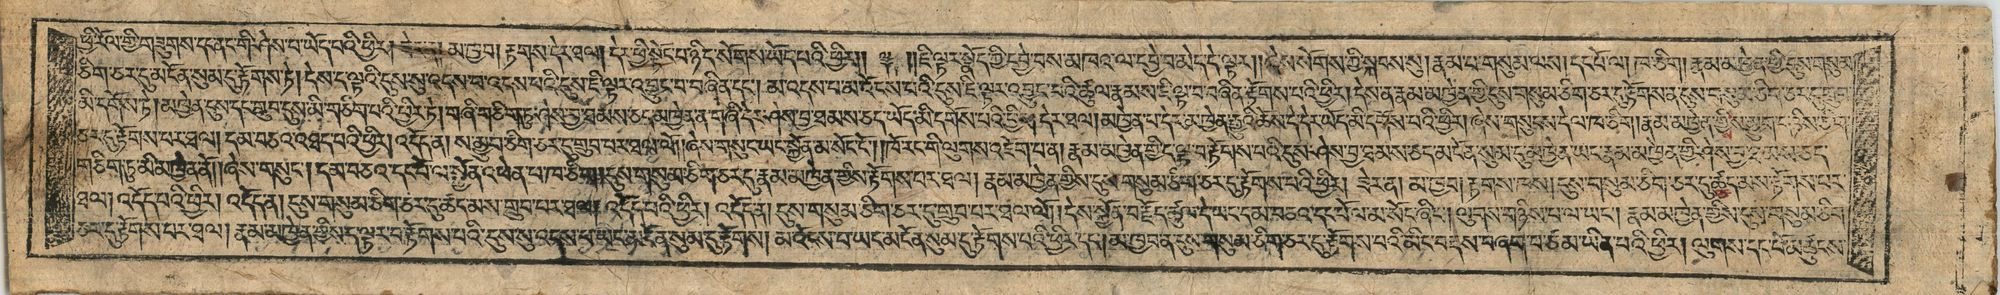ཕྱི་རོལ་གྱི་གཟུགས་དང་ནང་གི་ཤེས་པ་ཡོད་པའི་ཕྱིར། ཟེར་ན། མ་ཁྱབ། རྟགས་དེར་ཐལ། དེར་ཕྱི་སྟོང་བ་ཉིད་སོགས་ཡོད་པའི་ཕྱིར།། ༈ །།ཇི་ལྟར་སྣོད་ཀྱི་དབྱེ་བས་མཁའ་ལ་དབྱེ་བ་མེད་དེ་ལྟར། །ཞེས་སོགས་ཀྱི་སྐབས་སུ། རྣམ་པ་གསུམ་ལས། དང་པོ་ལ། ཁ་ཅིག །རྣམ་མཁྱེན་གྱི་དུས་གསུམ་
ཅིག་ཅར་དུ་མངོན་སུམ་དུ་རྟོགས་ཏེ། དེས་ད་ལྟའི་དུས་སུ་འདས་པ་འདས་པའི་དུས་ཇི་ལྟར་འབྱུང་བ་བཞིན་དང་། མ་འདས་པ་མ་འོངས་པའི་དུས་ཇི་ལྟར་འབྱུང་བའི་ཚུལ་རྣམས་ཇི་ལྟ་བ་བཞིན་རྟོགས་པའི་ཕྱིར། དེས་ན་རྣམ་མཁྱེན་གྱི་དུས་གསུམ་ཅིག་ཅར་དུ་རྟོགས་ན་དུས་གསུམ་ཅིག་ཅར་དུ་གྲུབ་
མི་དགོས་ཏེ། མཁྱེན་དུས་དང་གྲུབ་དུས་མི་གཅིག་པའི་ཕྱིར་ཏེ། གཞི་གཅིག་ཏུ་ཤེས་བྱ་ཐམས་ཅད་མཁྱེན་ན་གཞི་དེར་ཤེས་བྱ་ཐམས་ཅད་ཡོད་མི་དགོས་པའི་ཕྱིར། དེར་ཐལ། མཁྱེན་པ་དེར་མཁྱེན་རྒྱུའི་ཆོས་དེ་དེར་ཡོད་མི་དགོས་པའི་ཕྱིར། ཞེས་གསུངས་དེ་ལ་ཁ་ཅིག །རྣམ་མཁྱེན་གྱིས་ས་མྱུག་གཉིས་ཅིག་
ཅར་དུ་རྟོགས་པར་ཐལ། དམ་བཅའ་འཐད་པའི་ཕྱིར། འདོད་ན། ས་མྱུག་ཅིག་ཅར་དུ་གྲུབ་པར་ཐལ་ལོ། །ཞེས་གསུང་ཡང་སྐྱོན་མ་སོང་ངོ། །ཁོ་རང་གི་ལུགས་འཇོག་པ་ན། རྣམ་མཁྱེན་གྱི་ཇི་ལྟ་བ་རྟོགས་པའི་དུས་ཤེས་བྱ་ཐམས་ཅད་མངོན་སུམ་དུ་མཁྱེན་ཡང་རྣམ་མཁྱེན་གྱི་ཤེས་བྱ་ཐམས་ཅད་
གཅིག་ཏུ་མི་མཁྱེན་ནོ། །ཞེས་གསུང་། དམ་བཅའ་དང་པོ་ལ་སྐྱོན་འཕེན་པ་ཁ་ཅིག །དུས་གསུམ་ཅིག་ཅར་དུ་རྣམ་མཁྱེན་གྱིས་རྟོགས་པར་ཐལ། རྣམ་མཁྱེན་གྱིས་དུས་གསུམ་ཅིག་ཅར་དུ་རྟོགས་པའི་ཕྱིར། ཟེར་ན། མ་ཁྱབ། རྟགས་ཁས། དུས་གསུམ་ཅིག་ཅར་དུ་ཚད་མས་རྟོགས་པར་
ཐལ། འདོད་པའི་ཕྱིར། འདོད་ན། དུས་གསུམ་ཅིག་ཅར་དུ་ཚད་མས་གྲུབ་པར་ཐལ། འདོད་པའི་ཕྱིར། འདོད་ན། དུས་གསུམ་ཅིག་ཅར་དུ་གྲུབ་པར་ཐལ་ལོ། །དེས་སྐྱོན་བརྗོད་ཚུལ་དེ་ཡང་དམ་བཅའ་དང་པོ་ལ་མ་སོང་ཞིང་། ལུགས་གཉིས་པ་ལ་ཡང་། རྣམ་མཁྱེན་གྱིས་དུས་གསུམ་ཅིག་
ཅར་དུ་རྟོགས་པར་ཐལ། རྣམ་མཁྱེན་གྱིས་ད་ལྟར་བརྟོགསྤའི་དུས་སུ་འདས་པ་ཡང་མངོན་སུམ་དུ་རྟོགས། མ་འོངས་པ་ཡང་མངོན་སུམ་དུ་རྟོགས་པའི་ཕྱིར་དང་། མ་ཁྱབ་ན་དུས་གསུམ་ཅིག་ཅར་དུ་རྟོགས་པའི་མིང་བརྡས་བཞག་པ་ཙམ་ཡིན་པའི་ཕྱིར། ལུགས་དང་པོ་མཚུངས་